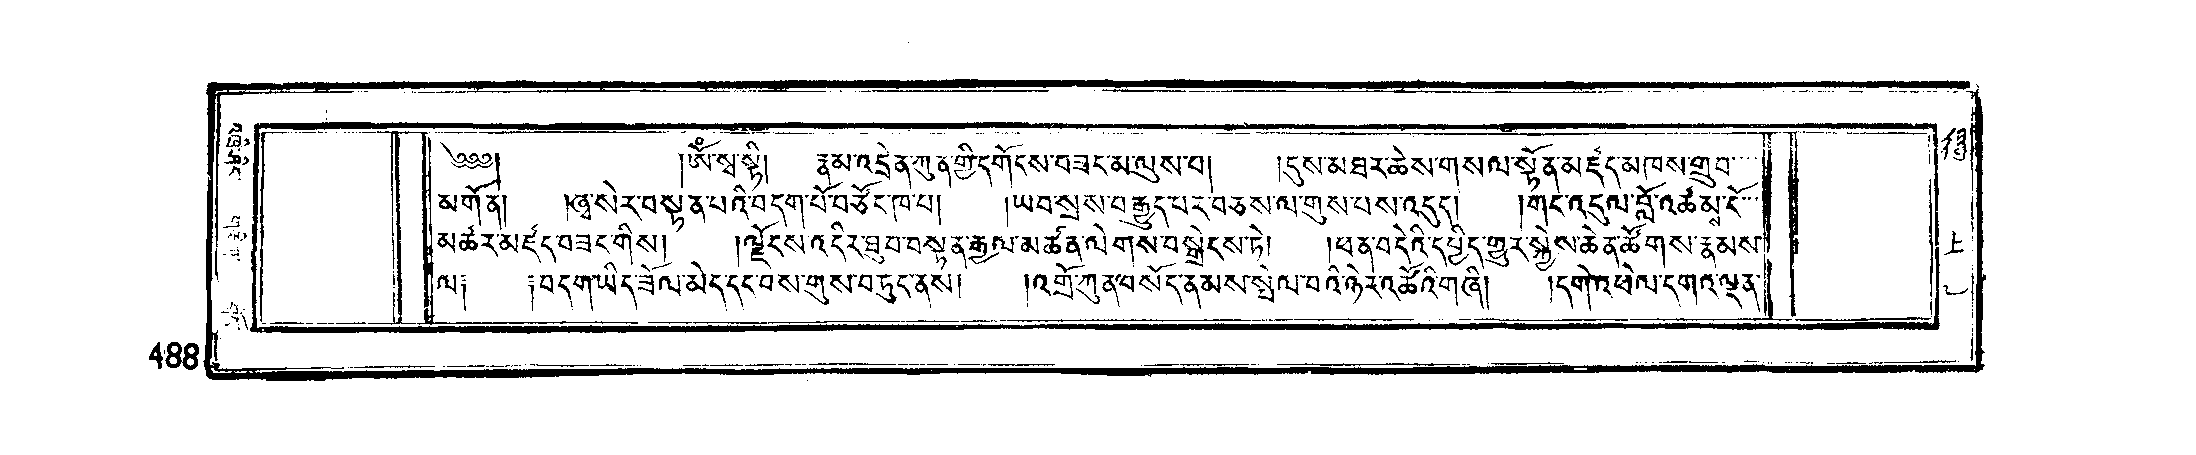༄༅། ཨོཾ་སྭ་སྟི། རྣམ་འདྲེན་ཀུན་གྱི་དགོངས་བཟང་མ་ལུས་པ་།དུས་མཐར་ཆེས་གསལ་སྟོན་མཛད་མཁས་གྲུབ་མགོན། །ཞྭ་སེར་བསྟན་པའི་བདག་པོ་བཙོང་ཁ་པ། །ཡབ་སྲས་བརྒྱུད་པར་བཅས་ལ་གུས་པས་འདུད། །གང་འདུལ་བློ་འཚམས་ངོ་
མཚར་མཛད་བཟང་གིས། །ལྗོངས་འདིར་ཐུབ་བསྟན་རྒྱལ་མཚན་ལེགས་བསྒྲེངས་ཏེ། །ཕན་བདེའི་དཔྱིད་གྱུར་སྐྱེས་ཆེན་ཚོགས་རྣམས་
ལ། །བདག་ཡིད་ཟོལ་མེད་དང་བས་གུས་བཏུང་ནས། །འགྲོ་ཀུན་བསོད་ནམས་སྤེལ་བའི་ཉེར་འཚོའི་གཞི། །དགེ་འཕེལ་དགའ་ལྡན་